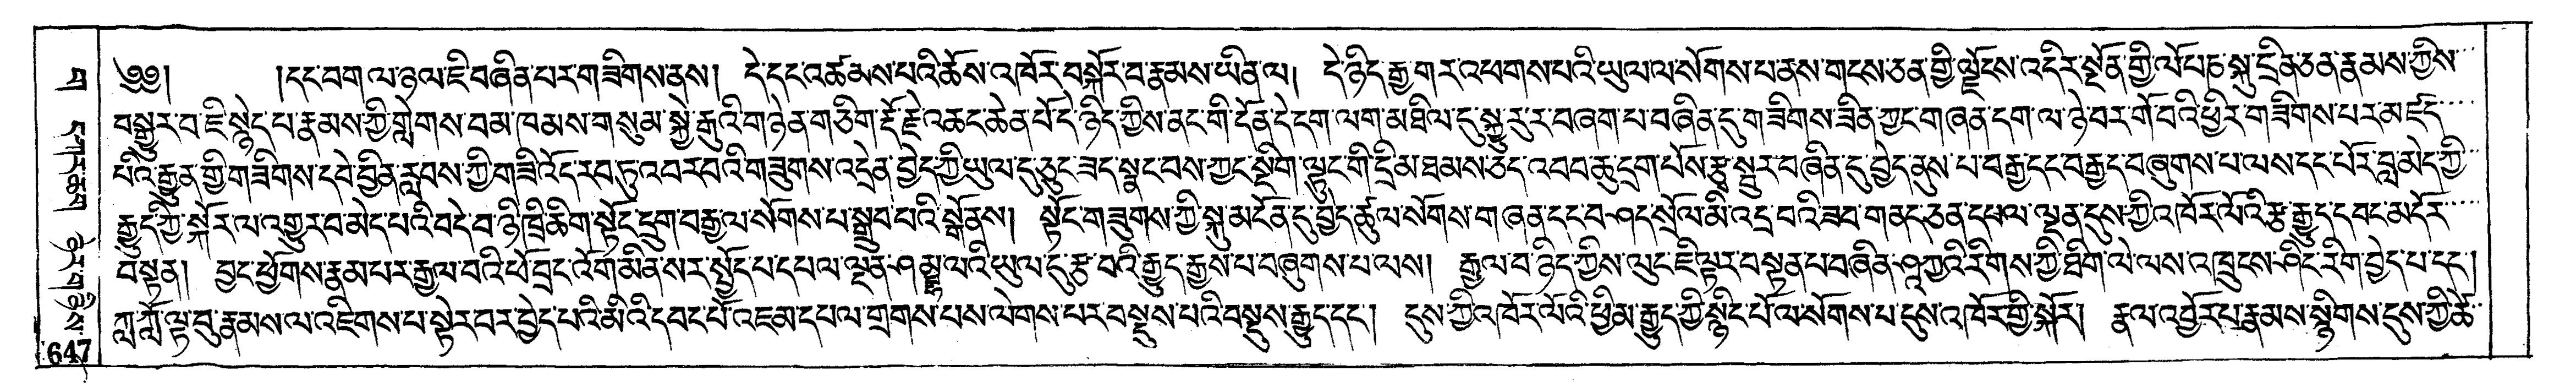༄༅། །དང་བག་ལ་ཉལ་ཇི་བཞིན་པར་གཟིགས་ནས། དེ་དང་འཚམས་པའི་ཆོས་འཁོར་བསྐོར་བ་རྣམས་ཡིན་ལ། དེ་ཉིད་རྒྱ་གར་འཕགས་པའི་ཡུལ་ལ་སོགས་པ་ནས་གངས་ཅན་གྱི་ལྗོངས་འདིར་སྔོན་གྱི་ལོ་པཎ་སྐུ་དྲིན་ཅན་རྣམས་ཀྱིས་
བསྒྱུར་བ་ཇི་སྙེད་པ་རྣམས་ཀྱི་གླེགས་བམ་ཁམས་གསུམ་སྐྱེ་རྒུའི་གཉེན་གཅིག་རྡོ་རྗེ་འཆང་ཆེན་པོ་དེ་ཉིད་ཀྱིས་ནང་གི་དོན་དེ་དག་ལག་མཐིལ་དུ་སྐྱུ་རུ་ར་བཞག་པ་བཞིན་དུ་གཟིགས་ཟིན་ཀྱང་གཞན་དག་ལ་ཉེ་བར་གོ་བའི་ཕྱིར་གཟིགས་པར་མཛད་
པའི་རྒྱུན་གྱི་གཟིགས་དཔེ་བྱིན་རླབས་གྱི་གཟི་འོད་རབ་ཏུ་འབར་བའི་གཟུགས་འདྲེན་བྱེད་ཀྱི་ཡུལ་དུ་ཅུང་ཟད་སྣང་བས་ཀྱང་སྡིག་ལྟུང་གི་དྲི་མ་ཐམས་ཅད་འབབ་ཆུ་དྲག་པོས་རྩྭ་སྦུར་བཞིན་དུ་བྱེད་ནུས་པ་བརྒྱ་དང་བརྒྱད་བཞུགས་པ་ལས་དང་པོར་བླ་མེད་ཀྱི་
རྒྱུད་ཀྱི་སྐོར་ལ་འགྱུར་བ་མེད་པའི་བདེ་བ་ཉི་ཁྲི་ཆིག་སྟོང་དྲུག་བརྒྱ་ལ་སོགས་པ་སྒྲུབ་པའི་སྒོ་ནས། སྟོང་གཟུགས་ཀྱི་སྐུ་མངོན་དུ་བྱེད་ཚུལ་སོགས་གཞན་དང་བཤད་སྲོལ་མི་འདྲ་བའི་ཟབ་གནད་ཅན་དཔལ་ལྡན་དུས་ཀྱི་འཁོར་ལོའི་རྩ་རྒྱུད་དབང་མདོར་
བསྟན། བྱང་ཕྱོགས་རྣམ་པར་རྒྱལ་བའི་ཕོ་བྲང་འོག་མིན་སར་སྤྱོད་པ་དཔལ་ལྡན་ཤམྦྷ་ལའི་ཡུལ་དུ་རྩ་བའི་རྒྱུད་རྒྱས་པ་བཞུགས་པ་ལས། རྒྱལ་བ་ཉིད་ཀྱིས་ལུང་ཇི་ལྟར་བསྟན་པ་བཞིན་ཤཱཀྱའི་རིགས་ཀྱི་ཐིག་ལེ་ལས་འཁྲུངས་ཤིང་རིག་བྱེད་པ་དང་།
ཀླ་ཀློ་ལྟ་བུ་རྣམས་ལ་འཇིགས་པ་སྟེར་བར་བྱེད་པའི་མིའི་དབང་པོ་འཇམ་དཔལ་གྲགས་པས་ལེགས་པར་བསྡུས་པའི་བསྡུས་རྒྱུད་དང་། དུས་ཀྱི་འཁོར་ལོའི་ཕྱི་མ་རྒྱུད་ཀྱི་སྙིང་པོ་ལ་སོགས་པ་དུས་འཁོར་གྱི་སྐོར། རྣལ་འབྱོར་པ་རྣམས་སྙིགས་དུས་ཀྱི་ཚེ་